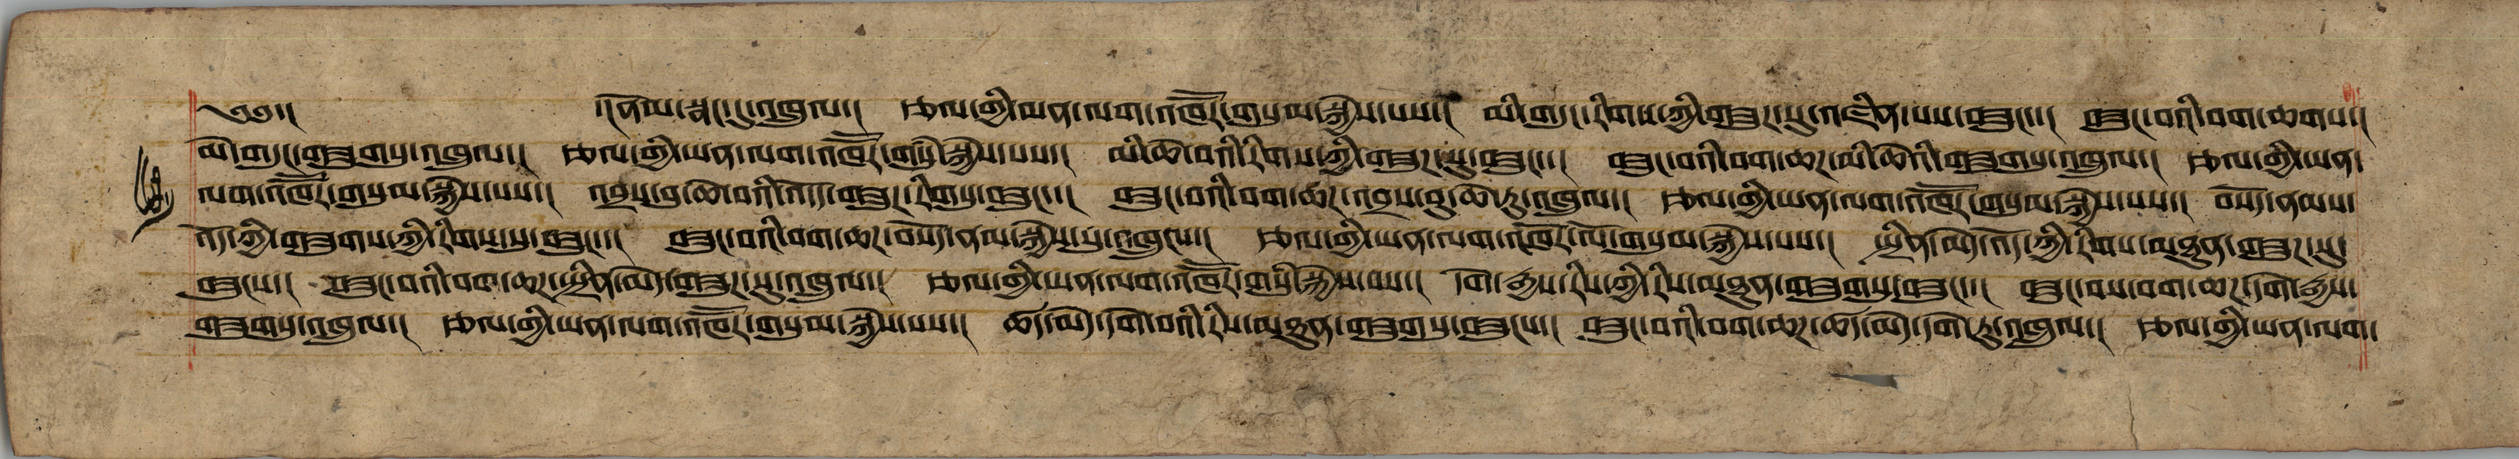༄༅་། ་།ནོམ་སྣང་དུ་འཁྲུལ་། རྩལ་གྱི་ཡན་ལག་འཁཽར་གསུམ་སྐྱེས་པས་། མི་གདུང་རིགས་ཀྱི་གཟུཌ་སུ་འཛིན་པས་བཟུང་་། བཟུང་བའི་བག་ཆགས་།
མེ་གདུང་གཟུགསུ་འཁྲུལ་། རྩལ་གྱི་ཡན་ལག་འཁཽར་གསུཾ་སྐྱེས་པས་། མི་ཆེ་བའི་རིགས་ཀྱི་གཟུཌ་སུ་བཟུང་་། བཟུང་བའི་བག་ཆཌ་མི་ཆེའི་གཟུགསུ་འཁྲུལ་། རྩལ་གྱི་ཡན་
ལག་འཁཽར་གསུང་སྐྱེས་པས་། འབྲས་བུ་ཆེ་བའི་འདོད་གཟུཌ་རིགསུ་བཟུང་་། བཟུང་བའི་བག་ཆཌ་འབྲས་བུ་ཆེ་རུ་འཁྲུལ་། རྩལ་གྱི་ཡན་ལག་འཁཽར་གསུམ་སྐྱེས་པས་། བསོད་ནམས་
འོད་ཀྱི་གཟུགས་ཀྱི་རིགས་སུ་བཟུང་་། བཟུང་བའི་བག་ཆཌ་བསོད་ནམ་སྐྱེས་སུ་འཁྲུངས་། རྩལ་གྱི་ཡན་ལག་འཁོར་ལོ་གསུམ་སྐྱེས་པས་། སྤྲིན་མེད་འོད་ཀྱི་རིགས་མཐུན་གཟུཌ་སུ
བཟུང་་། བཟུང་བའི་བག་ཆཌ་སྤྲིན་མེད་གཟུཌ་སུ་འཁྲུལ་། རྩལ་གྱི་ཡན་ལག་འཁཽར་གསུཾ་སྐྱེས་པས་། དགེ་རྒྱས་རིས་གྱི་རིས་མཐུན་གཟུགསུ་བཟུང་་། བཟུང་བས་བག་ཆཌ་དགེ་རྒྱས་
གཟུགསུ་འཁྲུལ་། རྩལ་གྱི་ཡན་ལག་འཁཽར་གསུམ་སྐྱེས་པས་། ཚད་མེད་དགེ་བའི་རིས་མཐུན་གཟུགསུ་བཟུངས་། བཟུང་བའི་བག་ཆཌ་ཚད་མེད་དགེ་རུ་འཁྲུལ་། རྩལ་གྱི་ཡན་ལག་